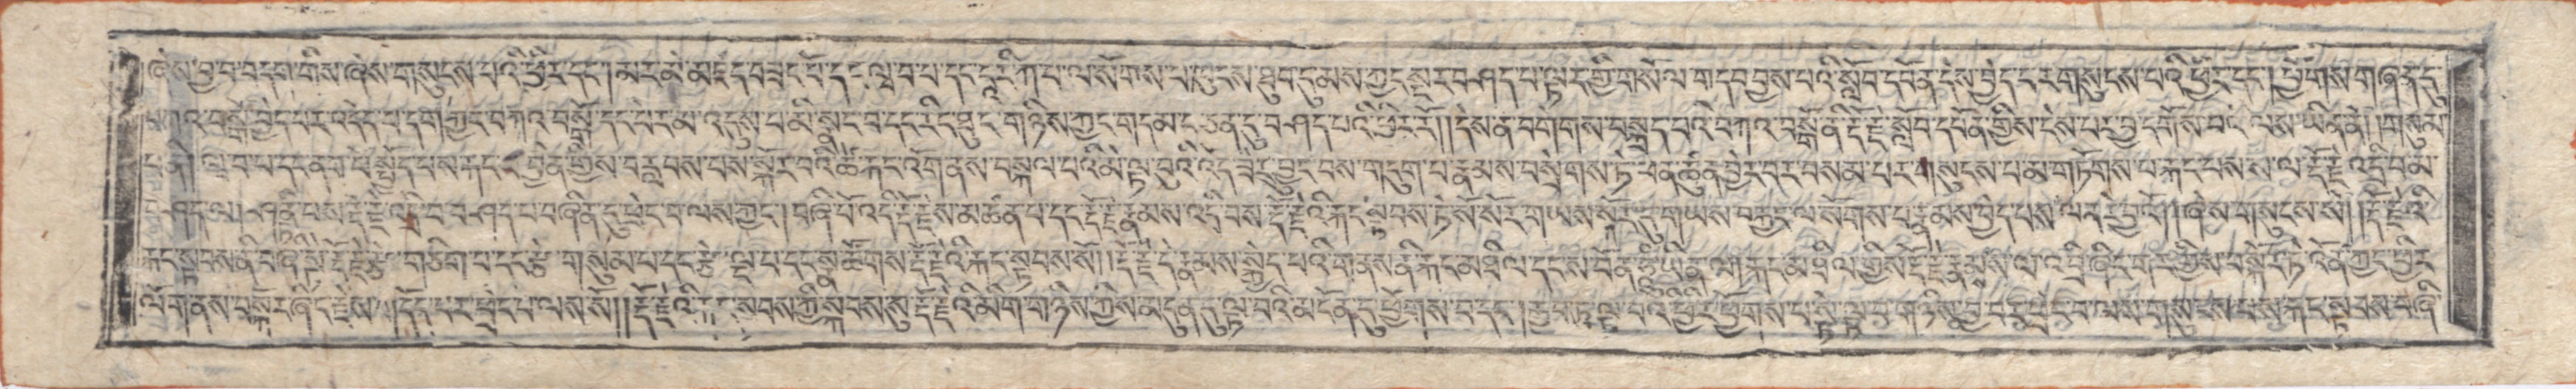ཞེས་བྱ་བ་བདག་གིས་ཞེས་གསུངས་པའི་ཕྱིར་དང་། མར་མེ་མཛད་བཟང་པོ་དང་ལྭ་བ་པ་དང་དཱ་རི་ཀ་པ་ལ་སོགས་པ་ཁུངས་ཐུབ་དུ་མས་ཀྱང་སྔར་བཤད་པ་ལྟར་གྱི་གསོལ་གདབ་བྱས་པའི་སློབ་དཔོན་དེས་བྱེད་པར་གསུངས་པའི་ཕྱིར་དང་། ཕྱོགས་གཞན་དུ་
བཀའ་བསྒོ་བྱེད་པར་འདོད་པ་དག་ཀྱང་བཀའ་བསྒོ་དང་པོར་མ་འདུས་པ་མི་སྣང་བ་དང་རིང་ཐུང་གཉིས་ཀྱང་གདམ་ང་ཅན་དུ་བཤད་པའི་ཕྱིར་རོ། །དེས་ན་བགེགས་བསྐྲད་པའི་བཀའ་བསྒོ་ནི་རྡོ་རྗེ་སློབ་དཔོན་གྱིས་ངེས་པར་བྱ་དགོས་པའི་ལས་ཡིན་ནོ། །གསུམ་
པ་ནི། ལྭ་བ་པ་དང་ནག་པོ་སྤྱོད་པས་རྐང་པ་བྱིན་གྱིས་བརླབས་པས་སྐོར་བའི་ཚེ་རྐང་འོག་ནས་བསྐལ་པའི་མེ་ལྟ་བུའི་འོད་ཟེར་བྱུང་བས་གདུག་པ་རྣམས་བསྲེགས་ཏེ་ཕན་ཚུན་བྱེར་བར་བསམ་པར་གསུངས་པ་མ་གཏོགས་པ་རྐང་པས་ས་ལ་རྡོ་རྗེ་འདྲི་བ་མ་
བཤད་ལ། ཤནྟི་པས་རྡོ་རྗེ་འདྲི་བ་བཤད་པ་བཞིན་དུ་ཕྲེང་བ་ལས་ཀྱང་། བཞི་པོ་འདི་རྡོ་རྗེས་མཚན་པ་དང་རྡོ་རྗེ་རྣམས་འདྲི་བས་རྡོ་རྗེའི་རྐང་སྟབས་ཏེ་སོ་སོར་གཡས་སྐོར་དུ་གཡས་བརྐྱང་ལ་སོགས་པ་རྣམས་བྱེད་པས་ལན་རེ་བྱའོ། །ཞེས་གསུངས་སོ། །རྡོ་རྗེའི་
རྐང་སྟབས་ནི་བཞི་སྟེ་རྡོ་རྗེ་རྩེ་གཅིག་པ་དང་རྩེ་གསུམ་པ་དང་རྩེ་ལྔ་པ་དང་སྣ་ཚོགས་རྡོ་རྗེའི་རྐང་སྟབས་སོ། །རྡོ་རྗེ་དེ་རྣམས་སྐྱེད་པའི་གནས་ནི་རྐང་མཐིལ་དང་ས་བོན་ཧཱུཾ་ཡིན་ལ། རྐང་མཐིལ་གྱིས་རྡོ་རྗེ་རྣམས་ས་ལ་འབྲི་ཞིང་གར་གྱིས་བསྐོར་ཏེ་འོན་ཀྱང་ཕྱིར་
ལོག་ནས་བསྐོར་ཞིང་རྗེས་གདོད་པར་ཕྲེང་པ་ལས་སོ། །རྡོ་རྗེའི་རྐང་སྟབས་ཀྱི་སྐབས་སུ་རྡོ་རྗེའི་མིག་གཉིས་ཀྱིས་མདུན་དུ་ལྟ་བའི་མངོན་དུ་ཕྱོགས་བ་དང་། རྒྱབ་ཏུ་ལྟ་བའི་ཕྱིར་ཕྱོགས་པ་སྟེ་ལྟ་བ་གཉིས་བྱ་བར་ཕྲེང་བ་ལས་གསུངས་པས་རྐང་སྟབས་བཞི་